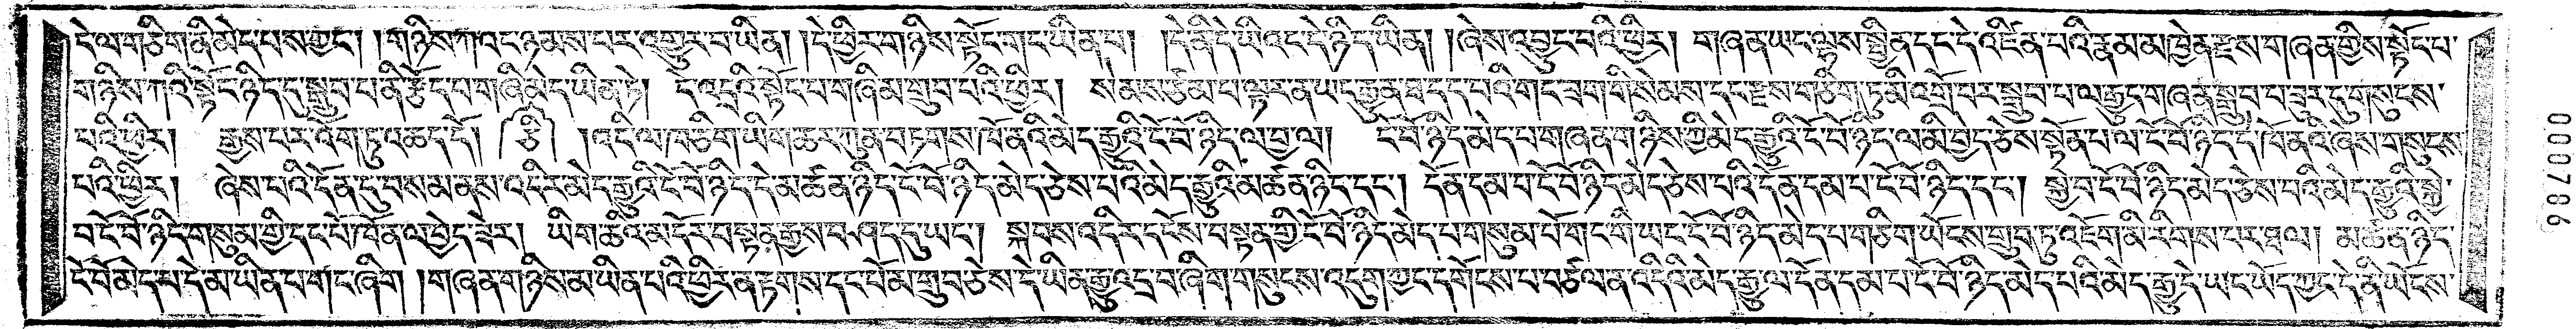དེ་ལ་གཅིག་ནི་མེད་པས་ཀྱང་། །གཉིས་ཀའང་ཉམས་པར་འགྱུར་བ་ཡིན། །དེ་ཕྱིར་གཉིས་སྟོང་གང་ཡིན་པ། །དེ་ནི་དེ་ཡིའང་དེ་ཉིད་ཡིན། །ཞེས་འབྱུང་བའི་ཕྱིར། གཞན་ཡང་ལྷས་སྦྱིན་དང་དེ་འཛིན་པའི་རྣམ་མཁྱེན་རྫས་གཞན་གྱིས་སྟོང་པ་
གཉིས་ཀའི་སྟོང་ཉིད་དུ་སྒྲུབ་པ་ནི་རྩོད་པ་གཞི་མེད་ཡིན་ཏེ། དེ་འདྲའི་སྟོང་པ་གཞི་མ་གྲུབ་པའི་ཕྱིར། སེམས་ཙམ་པ་ལྟར་ན་ཡང་རྒྱུན་ཐ་དད་པའི་གང་ཟག་གི་སེམས་དང་རྫས་གཅིག་ཏུ་མི་འགྲོ་བར་སྒྲུབ་པ་ལ་རྒྱུད་གཞན་སྒྲུབ་པ་ཟུར་དུ་གསུངས་
པའི་ཕྱིར། རྒྱས་པར་འོག་ཏུ་འཆད་དོ། ༼ཅི༽ །འདི་ལ་ཁ་ཅིག་ཡིག་ཆར་ཀུན་བཏགས་ཁོ་ནའི་མེད་རྒྱུའི་ངོ་བོ་ཉིད་ལ་བྱ་ལ། ངོ་བོ་ཉིད་མེད་པ་གཞན་གཉིས་ཀྱི་མེད་རྒྱུའི་ངོ་བོ་ཉིད་ལ་མི་བྱེད་ཅེས་སྟོན་པ་ལ་ངོ་བོ་ཉིད་དེ་ཁོ་ནའི་ཞེས་གསུངས་
པའི་ཕྱིར། ཞེས་པའི་དོན་དུ་བསམ་ནས་འདིར་མེད་རྒྱུའི་ངོ་བོ་ཉིད་དེ་མཚན་ཉིད་ངོ་བོ་ཉིད་མེད་ཅེས་པའི་མེད་རྒྱུའི་མཚན་ཉིད་དང་། དོན་དམ་པ་ངོ་བོ་ཉིད་མེད་ཅེས་པའི་དོན་དམ་པ་ངོ་བོ་ཉིད་དང་། སྐྱེ་བ་ངོ་བོ་ཉིད་མེད་ཅེས་པའི་མེད་རྒྱུའི་སྐྱེ་
བ་ངོ་བོ་ཉིད་གསུམ་གྱི་དང་པོ་ཁོ་ན་ལ་བྱེད་ཟེར། ཡིག་ཆའི་མདོར་བསྟན་རྒྱས་བཤད་དུ་ཡང་། སྐབས་འདིར་དངོས་བསྟན་གྱི་ངོ་བོ་ཉིད་མེད་པ་གསུམ་པོ་གང་གི་ཡང་ངོ་བོ་ཉིད་མེད་པ་གཅིག་ཡོངས་གྲུབ་ཏུ་འཇོག་མི་རིགས་པར་ཐལ། མཚན་ཉིད་
ངོ་བོ་མེད་པ་དེ་མ་ཡིན་པ་གང་ཞིག །གཞན་གཉིས་མ་ཡིན་པའི་ཕྱིར་ན་རྟགས་དང་པོ་མ་གྲུབ་ཅེས་དེ་ཡིན་རྒྱུ་འདྲ་བ་ཞིག་གསུངས་འདུག་ཀྱང་དགོངས་པ་བཙལ་ན་འདིའི་མེད་རྒྱུ་ལ་དོན་དམ་པ་ངོ་བོ་ཉིད་མེད་པའི་མེད་རྒྱུ་དེ་ཡང་ཡོད་ཀྱང་དེ་ནི་ཡོངས་